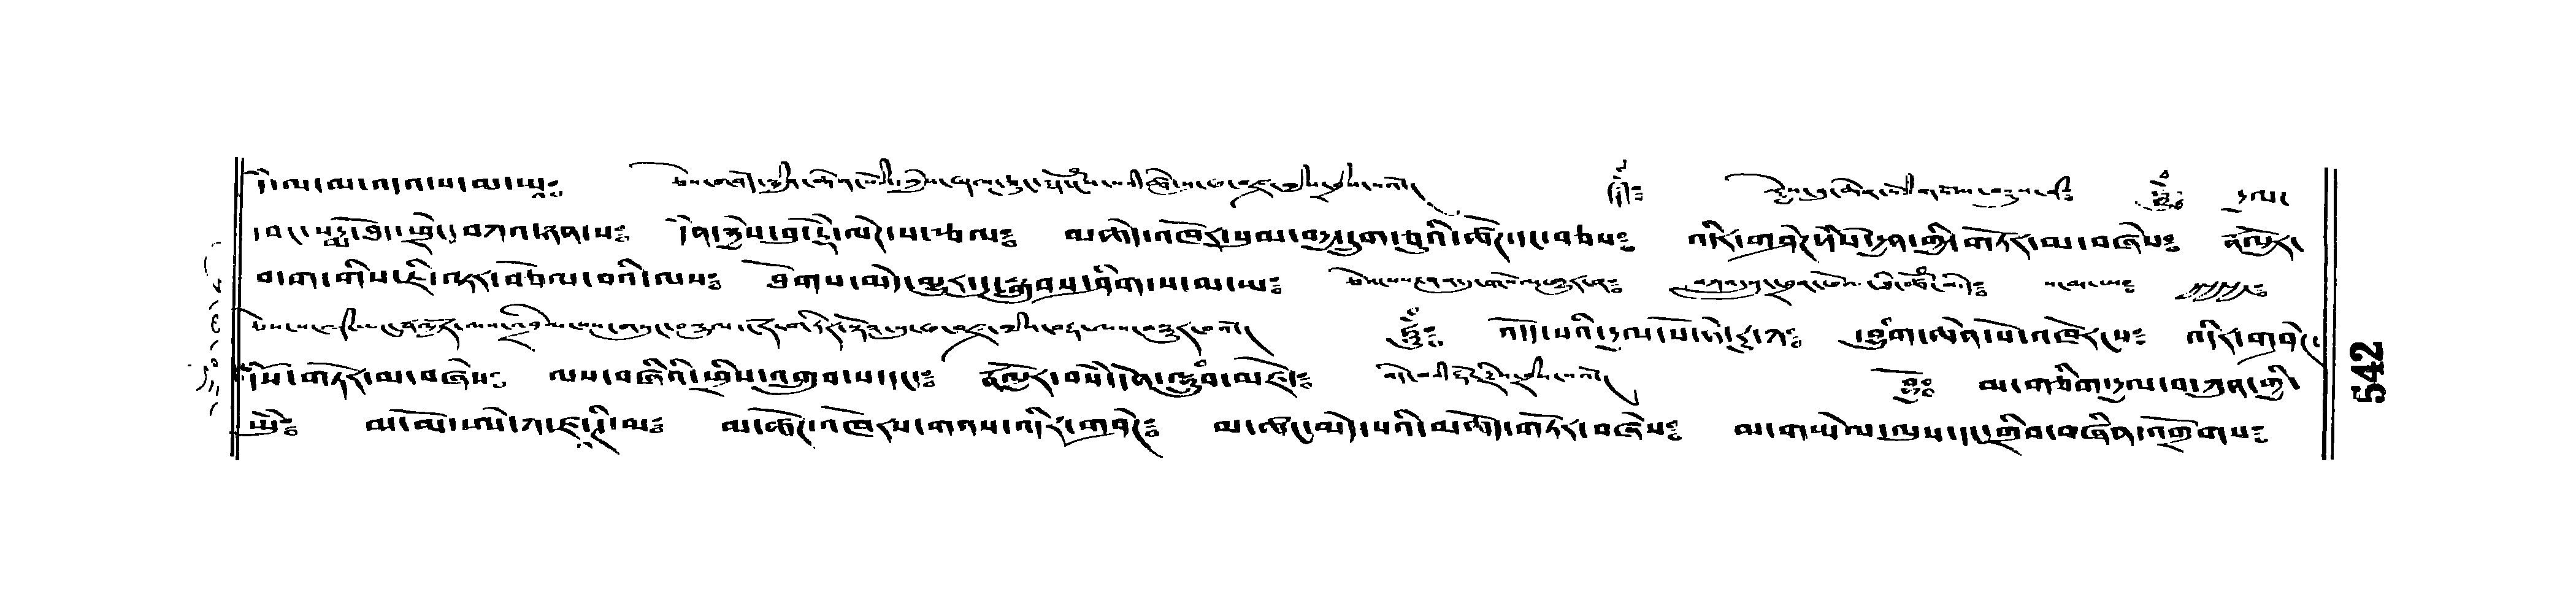དམ་ལ་མ་འདའ་ས་མ་ཡ༔ ཅེས་གནོད་སྦྱིན་ཆེན་པོའི་དགྱེས་ཞལ་ཅུང་ཟད་ངོམ་པའི་ཚེ་སུ་ཁ་བཛྲ་གྱིས་བྲིས་པའོ།། རྡོ་རྗེ་ལེགས་པའྀ་གསོལ་བསྡུས་ནི༔ ཧཱུྃ༔ རྒྱལ་
དབང་པདྨ་ཐོད་ཕྲེང་བཀའ་ཉན་པ༔ དམ་ཅན་སྐྱེས་བུ་རྡོ་རྗེ་ལེགས་པ་རྩལ༔ མཆོད་འཁོར་སུམ་བརྒྱ་དྲུག་ཅུའི་ཚོགས་དང་བཅས༔ འདིར་གཤེགས་དམ་རྫས་རྒྱན་གྱི་གཏོར་མ་བཞེས༔ རྣལ་འབྱོར་
བདག་གིས་ཇི་ལྟར་བཅོལ་བའི་ལས༔ ཐོགས་མེད་མྱུར་དུ་སྒྲུབས་ཤིག་ས་མ་ཡ༔ཞེས་པས་ནན་དུ་གསོལ་གྱུར་ན༔ བཀའ་སྲུང་བྲན་ཁོལ་ཐེ་ཚོམ་མེད༔ ས་མ་ཡ༔ རྒྱ་རྒྱ་རྒྱ༔ 
ཅེས་པ་འདི་ཡང་རྣལ་འབྱོར་ལས་འབྲེལ་པས་གསུང་བསྐུལ་ངོར་གཏེར་སྟོན་སུ་ཁ་བཛྲ་གྱིས་བརྡ་ལས་བསྒྱུར་བའོ།། ཧཱུྃ༔ འདོད་པའི་རྒྱལ་པོ་ཧེ་རུ་ཀ༔ དབང་ཕྱུག་ཆེན་པོ་འཁོར་དང་བཅས༔ འདིར་གཤེགས་
དམ་རྫས་གཏོར་མ་བཞེས༔ ལས་བཞིའི་ཕྲིན་ལས་འགྲུབ་པ་དང༔ རྣལ་འབྱོར་བསམ་དོན་ལྷུན་གྲུབ་མཛོད༔ བདེ་བའི་རྡོ་རྗེས་བྲིས་པའོ།། བྷྱོ༔ མ་གཅིག་རྒྱལ་བ་ཀུན་གྱི་
ཡུམ༔ མ་མོ་ཨེ་ཀ་ཛཱ་ཊི་མ༔ མ་ཚོགས་འཁོར་བཅས་གནས་འདིར་གཤེགས༔ མ་ཚང་མེད་པའི་མཆོད་གཏོར་བཞེས༔ མ་གཡེལ་ལུས་དང་གྲིབ་བཞིན་འགྲོགས༔